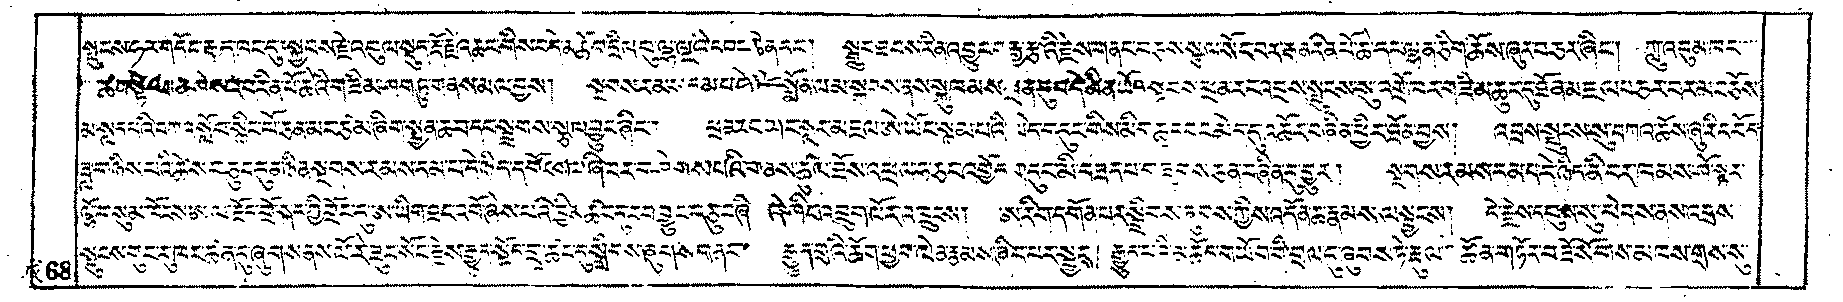སྤུངས་ཧར་གདོང་རྒྱད་ཁང་དུ་༧སྐྱབས་རྗེ་འབུལ་སྡུད་རྡོ་རྗེ་འཆང་གིས་བདེ་མཆོག་དྲིལ་བུ་ལྷ་ལྔའི་དབང་ཆེན་དང་། སྒྲུབ་ཐབས་རིན་འབྱུང་བརྒྱ་རྩའི་རྗེས་གནང་བཅས་སྩལ་སོང་བར་རྒན་རིན་པོ་ཆེ་དང་ལྷན་ཅིག་ཆོས་ཞུར་བཅར་ཞིང་། ཀླུ་འབུམ་ཁང་
ཚག་སྟེ་འགན་ཤེས་རབ་རིན་པོ་ཆེའི་གཟིམ་ཤག་ཏུ་གནས་མལ་བྱས། སྔགས་རམས་དམ་པ་ཤེས་རབ་?་སྨོན་ལམ་སྐབས་ནས་སྐུ་ཁམས་ཕྲན་བུ་བདེ་མིན་ཡོད་སྟབས་ཕྲན་རང་འབྲས་སྤུངས་སུ་འགྲོ་ཁར་གཟིམ་ཆུང་དུ་ཐོན་མཇལ་པ་ཅར་བར་མ་བཅོས་
མ་སླད་པའི་བཀའ་སློབ་སྙིང་པོ་ཅན་མང་ཙམ་ཞིག་སྤྱན་ཆབ་དང་སྦྲགས་སྩལ་བྱུང་ཞིང་། ཕྲན་རང་ཡང་སླར་མཇལ་ཨེ་ཡོང་སྙམ་པའི་ཡིད་གདུང་གིས་མིག་ཆུ་དབང་མེད་དུ་འཆོར་བཞིན་ཕྱིར་ཐོན་བྱས། འབྲས་སྤུངས་སུ་བཀའ་ཆོས་ཞུ་རིང་བོད་
ཟླ་གཉིས་པའི་ཚེས་བཅུ་བདུན་ཉིན་སྔགས་རམས་དམ་པ་དེ་ཉིད་དགོངས་པ་ཞི་བར་གཤེགས་པའི་གནས་ཚུལ་ཐོས་འཕྲལ་ཧ་ཅང་འགྱོད་གདུང་མི་བཟད་པ་གཟུགས་ཅན་བཞིན་དུ་གྱུར། སྔགས་རམས་དམ་པ་དེ་ཉིད་ནི་བར་ཁམས་ཤོ་སྟར་
ལྷོ་གསུམ་ཁོངས་ཨ་ལ་རྔོད་གྲོ་སྐད་ཀྱི་གྲོང་དུ་ཨ་ཡིག་ཐང་འགོ་ཞེས་པའི་ཁྱིམ་ཚང་དུ་རབ་བྱུང་བཅུ་བཞི་པའི་ཤིང་འབྲུག་ལོར་འཁྲུངས། ཨ་རིག་དགོན་པར་སྒྲིགས་ཞུགས་ཀྱིས་འདོན་ཆ་རྣམས་ལ་སྦྱངས། དེ་རྗེས་དབུས་སུ་ཕེབས་ནས་འབྲས་
སྤུངས་གུང་རུ་ཁང་ཚན་དུ་ཞུགས་ནས་ལོ་རེ་ཟུང་སོང་རྗེས་རྒྱུད་སྟོད་གྲྭ་ཚང་དུ་སྒྲིགས་ཞུགས་གནང་ལ་རྒྱུད་གྲའི་ཆོག་ཕྱག་ལེན་རྣམས་ཞིབ་པར་སྦྱངས། རྒྱུད་པའི་མཆོད་གཡོག་གི་གྲལ་དུ་ཞུགས་ཏེ་རྡུལ་ཚོན་གཏོར་བཟོ་སོགས་མཁས་གྲས་སུ་